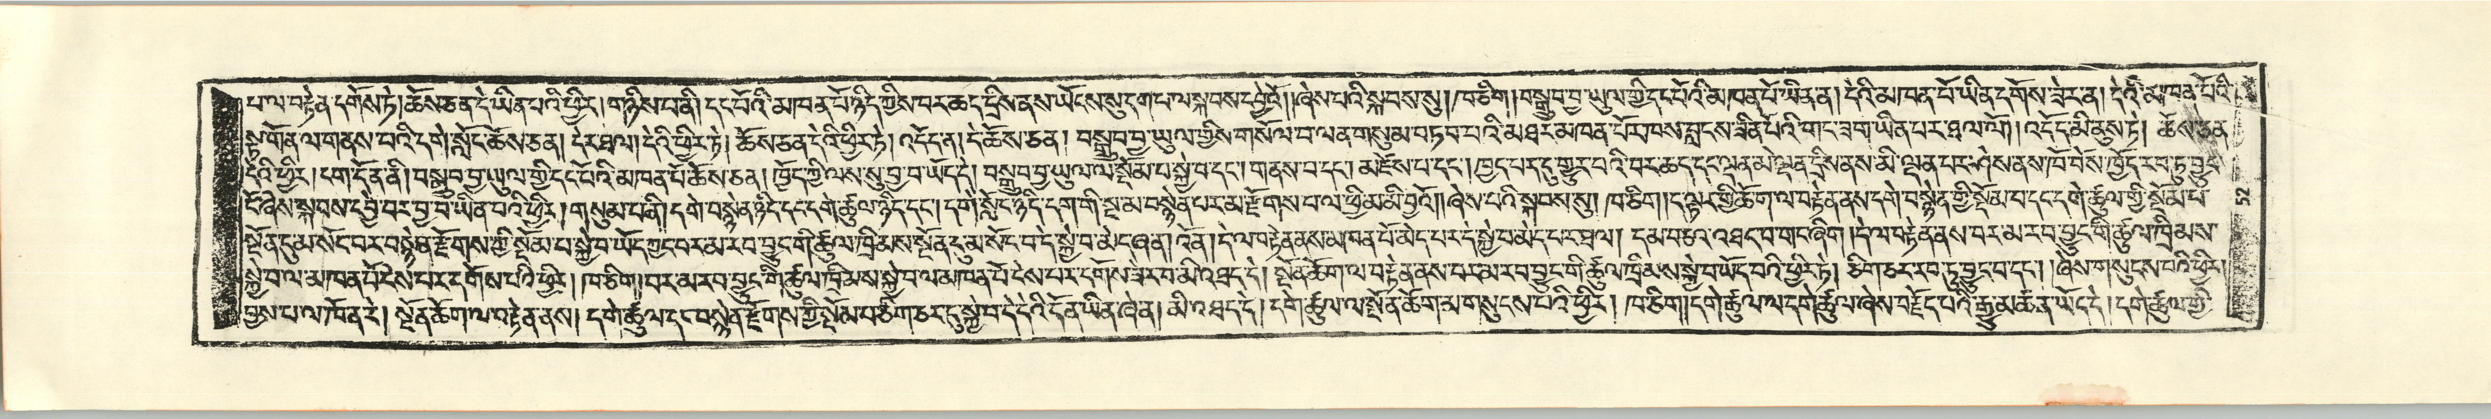པ་ལ་བརྟེན་དགོས་ཏེ། ཆོས་ཅན་དེ་ཡིན་པའི་ཕྱིར། གཉིས་པ་ནི། དང་པོའི་མཁན་པོ་ཉིད་ཀྱིས་བར་ཆད་དྲིས་ནས་ཡོངས་སུ་དག་པ་ལ་སྐབས་དབྱེའོ། །ཞེས་པའི་སྐབས་སུ། ཁ་ཅིག །བསྒྲུབ་བྱ་ཡུལ་གྱི་དང་པོའི་མཁན་པོ་ཡིན་ན། དེའི་མཁན་པོ་ཡིན་དགོས་ཟེར་ན། དེའི་མཁན་པོའི་
སྟ་གོན་ལ་གནས་པའི་དགེ་སློང་ཆོས་ཅན། དེར་ཐལ། དེའི་ཕྱིར་ཏེ། ཆོས་ཅན་དེའི་ཕྱིར་ཏེ། འདོད་ན། དེ་ཆོས་ཅན། བསྒྲུབ་བྱ་ཡུལ་གྱིས་གསོལ་བ་ལན་གསུམ་བཏབ་པའི་མཐར་མཁན་པོར་ཁས་བླངས་ཟིན་པོའི་གང་ཟག་ཡིན་པར་ཐལ་ལོ། །འདོད་མི་ནུས་ཏེ། ཆོས་ཅན་
དེའི་ཕྱིར། ངག་དོན་ནི། བསྒྲུབ་བྱ་ཡུལ་གྱི་དང་པོའི་མཁན་པོ་ཆོས་ཅན། ཁྱོད་ཀྱི་ལས་སུ་བྱ་བ་ཡོད་དེ། བསྒྲུབ་བྱ་ཡུལ་ལ་སྡོམ་པ་སྐྱེ་བ་དང་། གནས་པ་དང་། མཛེས་པ་དང་། ཁྱད་པར་དུ་གྱུར་པའི་བར་ཆད་དང་ལྡན་མེ་ལྡན་དྲིས་ནས་མི་ལྡན་པར་ཤེས་ནས་ཁོ་བོས་ཁྱོད་རབ་ཏུ་བྱུང་
ངོ་ཞེས་སྐབས་དབྱེ་བར་བྱ་བ་ཡིན་པའི་ཕྱིར། གསུམ་པ་ནི། དགེ་བསྙེན་ཉིད་དང་དགེ་ཚུལ་ཉིད་དང་། དགེ་སློང་ཉིད་དག་གི་སྔ་མ་བསྙེན་པར་མ་རྫོགས་པ་ལ་ཕྱི་མ་མི་བྱའོ། །ཞེས་པའི་སྐབས་སུ། ཁ་ཅིག །ད་ལྟར་གྱི་ཆོ་ག་ལ་བརྟེན་ནས་དགེ་བསྙེན་གྱི་སྡོམ་པ་དང་དགེ་ཚུལ་གྱི་སྡོམ་པ་
སྔོན་དུ་མ་སོང་བར་བསྙེན་རྫོགས་ཀྱི་སྡོམ་པ་སྐྱེ་བ་ཡོད་ཀྱང་བར་མ་རབ་བྱུང་གི་ཚུལ་ཁྲིམས་སྔོན་དུ་མ་སོང་བ་དེ་སྐྱེ་བ་མེད་ཞ་ན། འོ་ན། དེ་ལ་བརྟེན་ནས་མཁན་པོ་མེད་པར་དེ་སྐྱེ་བ་མེད་པར་ཐལ། དམ་བཅའ་འཐད་པ་གང་ཞིག །དེ་ལ་བརྟེན་ནས་བར་མ་རབ་བྱུང་གི་ཚུལ་ཁྲིམས་
སྐྱེ་བ་ལ་མཁན་པོ་ངེས་པར་དགོས་པའི་ཕྱིར། ཁ་ཅིག །བར་མ་རབ་བྱུང་གི་ཚུལ་ཁྲིམས་སྐྱེ་བ་ལ་མཁན་པོ་ངེས་པར་དགོས་ཟེར་བ་མི་འཐད་དེ། སྔོན་ཆོག་ལ་བརྟེན་ནས་བར་མ་རབ་བྱུང་གི་ཚུལ་ཁྲིམས་སྐྱེ་བ་ཡོད་པའི་ཕྱིར་ཏེ། ཅིག་ཅར་རབ་ཏུ་བྱུང་བ་དང་། །ཞེས་གསུངས་པའི་ཕྱིར།
བྱས་པ་ལ་ཁོ་ན་རེ། སྔོན་ཆོག་ལ་བརྟེན་ནས། དགེ་ཚུལ་དང་བསྙེན་རྫོགས་ཀྱི་སྡོམ་པ་ཅིག་ཅར་དུ་སྐྱེ་བ་དེ་དེའི་དོན་ཡིན་ཞེ་ན། མི་འཐད་དེ། དགེ་ཚུལ་ལ་སྔོན་ཆོག་མ་གསུངས་པའི་ཕྱིར། ཁ་ཅིག །དགེ་ཚུལ་ལ་དགེ་ཚུལ་ཞེས་བརྗོད་པའི་རྒྱུ་མཚན་ཡོད་དེ། དགེ་ཚུལ་གྱི་